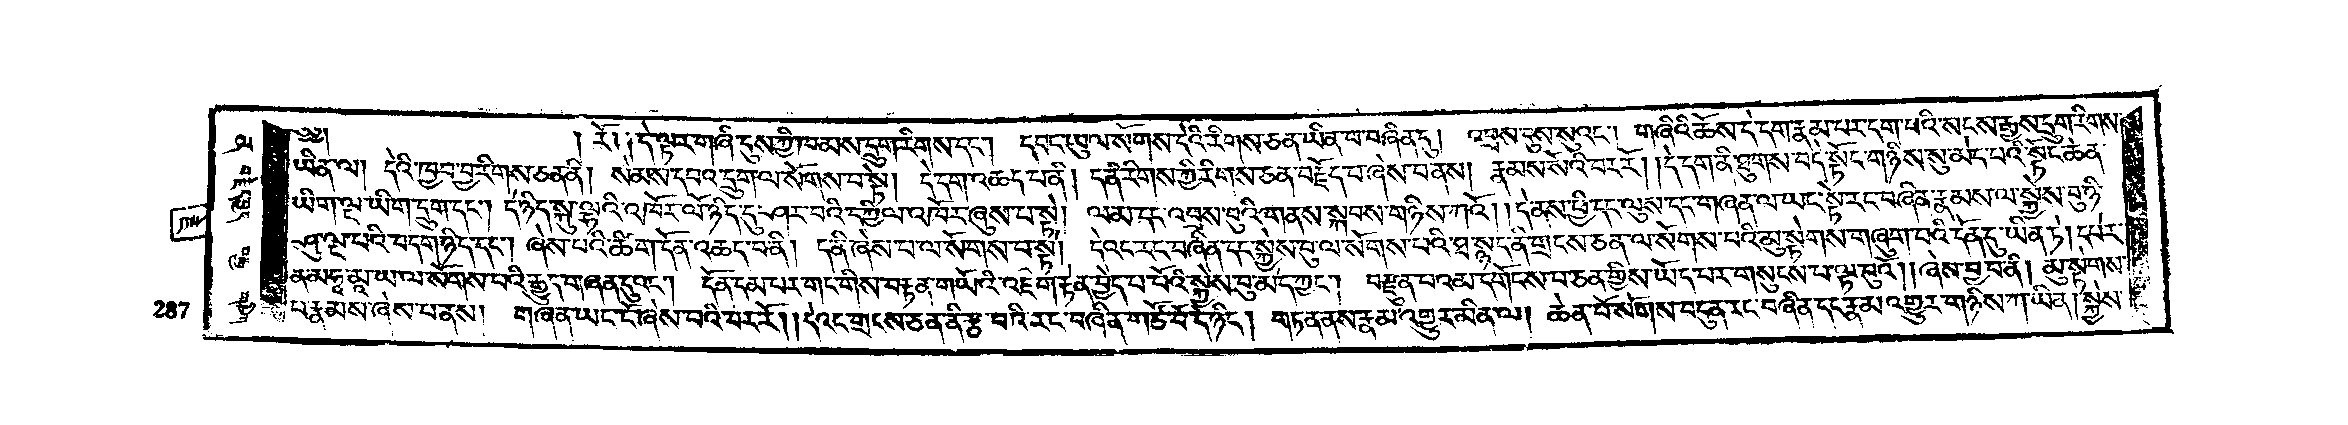༄༅། །རོ། །དེ་ལྟར་གཞི་དུས་ཀྱི་ཁམས་དྲུག་རིགས་དང་། དབང་ཡུལ་སོགས་དེའི་རིགས་ཅན་ཡིན་པ་བཞིན་དུ། འབྲས་དུས་སུའང་། གཞིའི་ཆོས་དེ་དག་རྣམ་པར་དག་པའི་སངས་རྒྱས་དྲུག་རིགས་
ཡིན་ལ། དེའི་ཁྱབ་བྱ་རིགས་ཅན་ནི། སེམས་དཔའ་དྲུག་ལ་སོགས་པ་སྟེ། དེ་དག་འཆད་པ་ནི། ད་ནི་རིགས་ཀྱི་རིགས་ཅན་བརྗོད་པ་ཞེས་པ་ནས། རྣམས་སོའི་བར་རོ། །དེ་དག་ནི་ཐུགས་བདེ་སྟོང་གཉིས་སུ་མེད་པའི་སྟོང་ཆེན་
ཡིག་ལྔ་ཡིག་དྲུག་དང་། དེ་ཉིད་སྐུ་ལྷའི་འཁོར་ལོ་ཉིད་དུ་ཤར་བའི་དཀྱིལ་འཁོར་ཞུས་པ་སྟེ། ལམ་དང་འབྲས་བུའི་གནས་སྐབས་གཉིས་ཀའོ། །དེ་ནས་ཕྱི་དང་ལུས་དང་གཞན་ལ་ཡང་སྟེ་རང་བཞིན་རྣམས་ལ་སྐྱེས་བུ་ཉི་
ཤུ་ལྔ་པའི་བདག་ཉིད་དང་། ཞེས་པའི་ཚིག་དོན་འཆད་པ་ནི། ད་ནི་ཞེས་པ་ལ་སོགས་པ་སྟེ། དེའང་རང་བཞིན་དང་སྐྱེས་བུ་ལ་སོགས་པའི་ཐ་སྙད་ནི་གྲངས་ཅན་ལ་སོགས་པའི་མུ་སྟེགས་གཞུག་པའི་དོན་དུ་ཡིན་ཏེ། དཔེར་
ན་མཧཱ་མཱ་ཡ་ལ་སོགས་པའི་རྒྱུད་གཞན་དུའང་། དོན་དམ་པར་གང་གིས་བརྟན་གཡོའི་འཇིག་རྟེན་བྱེད་པ་པོའི་སྐྱེས་བུ་མེད་ཀྱང་། བརྫུན་པའམ་དགོངས་པ་ཅན་གྱིས་ཡོད་པར་གསུངས་པ་ལྟ་བུའོ། །ཞེས་བྱ་བ་ནི། མུ་སྟེགས་
པ་རྣམས་ཞེས་པ་ནས། གཞན་ཡང་ངོ་ཞེས་པའི་བར་རོ། །དེའང་གྲངས་ཅན་ནི་རྩ་བའི་རང་བཞིན་གཙོ་བོ་དེ་ཉིད། གཏན་ནས་རྣམ་འགྱུར་མིན་ལ། ཆེན་པོ་སོགས་བདུན་རང་བཞིན་དང་རྣམ་འགྱུར་གཉིས་ཀ་ཡིན། སྐྱེ་